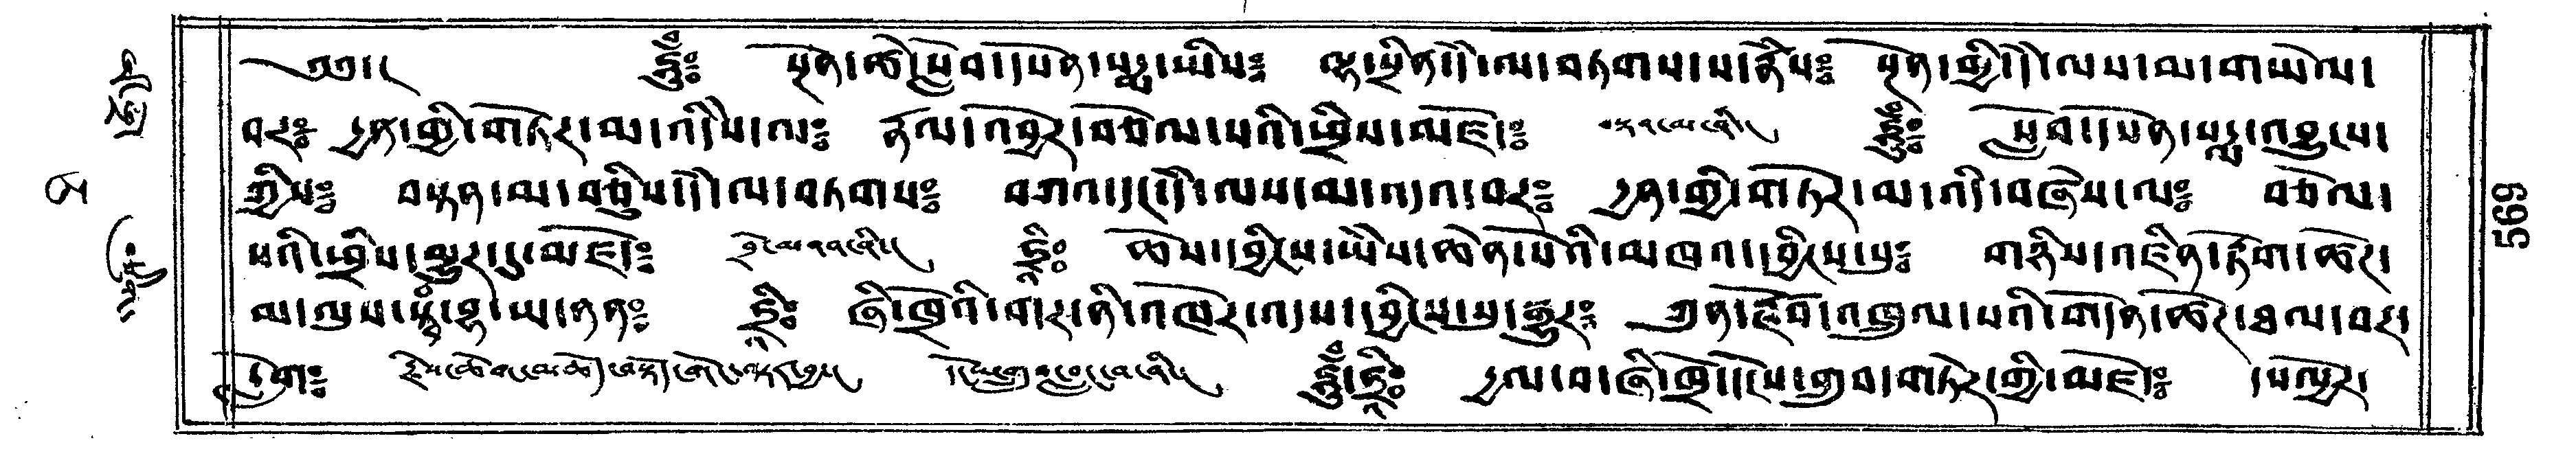ཧཱུྃ༔ སྔོན་ཚེ་སློབ་དཔོན་པདྨ་ཡིས༔ ལྷ་སྲིན་དམ་ལ་བཏགས་པ་རྣམས༔ སྔོན་གྱི་དམ་ལས་མ་གཡེལ་
བར༔ རྒྱན་གྱི་གཏོར་མ་འདི་བཞེས་ལ༔ རྣལ་འབྱོར་བཅོལ་པའི་ཕྲིན་ལས་མཛོད༔ བསྟན་མ་ནི། ཧཱུྃ༔ སློབ་དཔོན་པདྨ་འབྱུང་
གནས་ཀྱིས༔ བསྟན་མ་བཅུ་གཉིས་དམ་ལ་བཏགས༔ བཀའ་དང་དམ་ལས་མ་འདའ་བར༔ རྒྱན་གྱི་གཏོར་མ་འདི་བཞེས་ལ༔ བཅོལ་
པའི་ཕྲིན་ལས་མྱུར་དུ་མཛོད༔ བྲོ་མནན་ནི། ཧྲཱིཿ ཆོས་དབྱིངས་ཡེ་ཤེས་ཆེན་པོའི་མཁའ་དབྱིངས་སུ༔ གཉིས་འཛིན་རྟོག་ཚོགས་
མ་ལུས་སྟྭཾ་བྷ་ཡ་ནན༔ ཧྲཱིཿ ཞི་ཁྲོའི་གར་ནི་འཁོར་འདས་དབྱིངས་སུ་སྒྱུར༔ ཀུན་རྫོབ་འཁྲུལ་པའི་གདོན་ཚོགས་ཐལ་བར་
རློག༔ རྗེས་ཆོག་མཆོད་བསྟོད་གོང་ལྟར་བྱ། དངོས་གྲུབ་བླང་བ་ནི། ཧཱུྃ་ཧྲཱིཿ རྒྱལ་བ་ཞི་ཁྲོ་དངོས་གྲུབ་གཏེར་གྱི་མཛོད༔ དཔལ་འབྱོར་